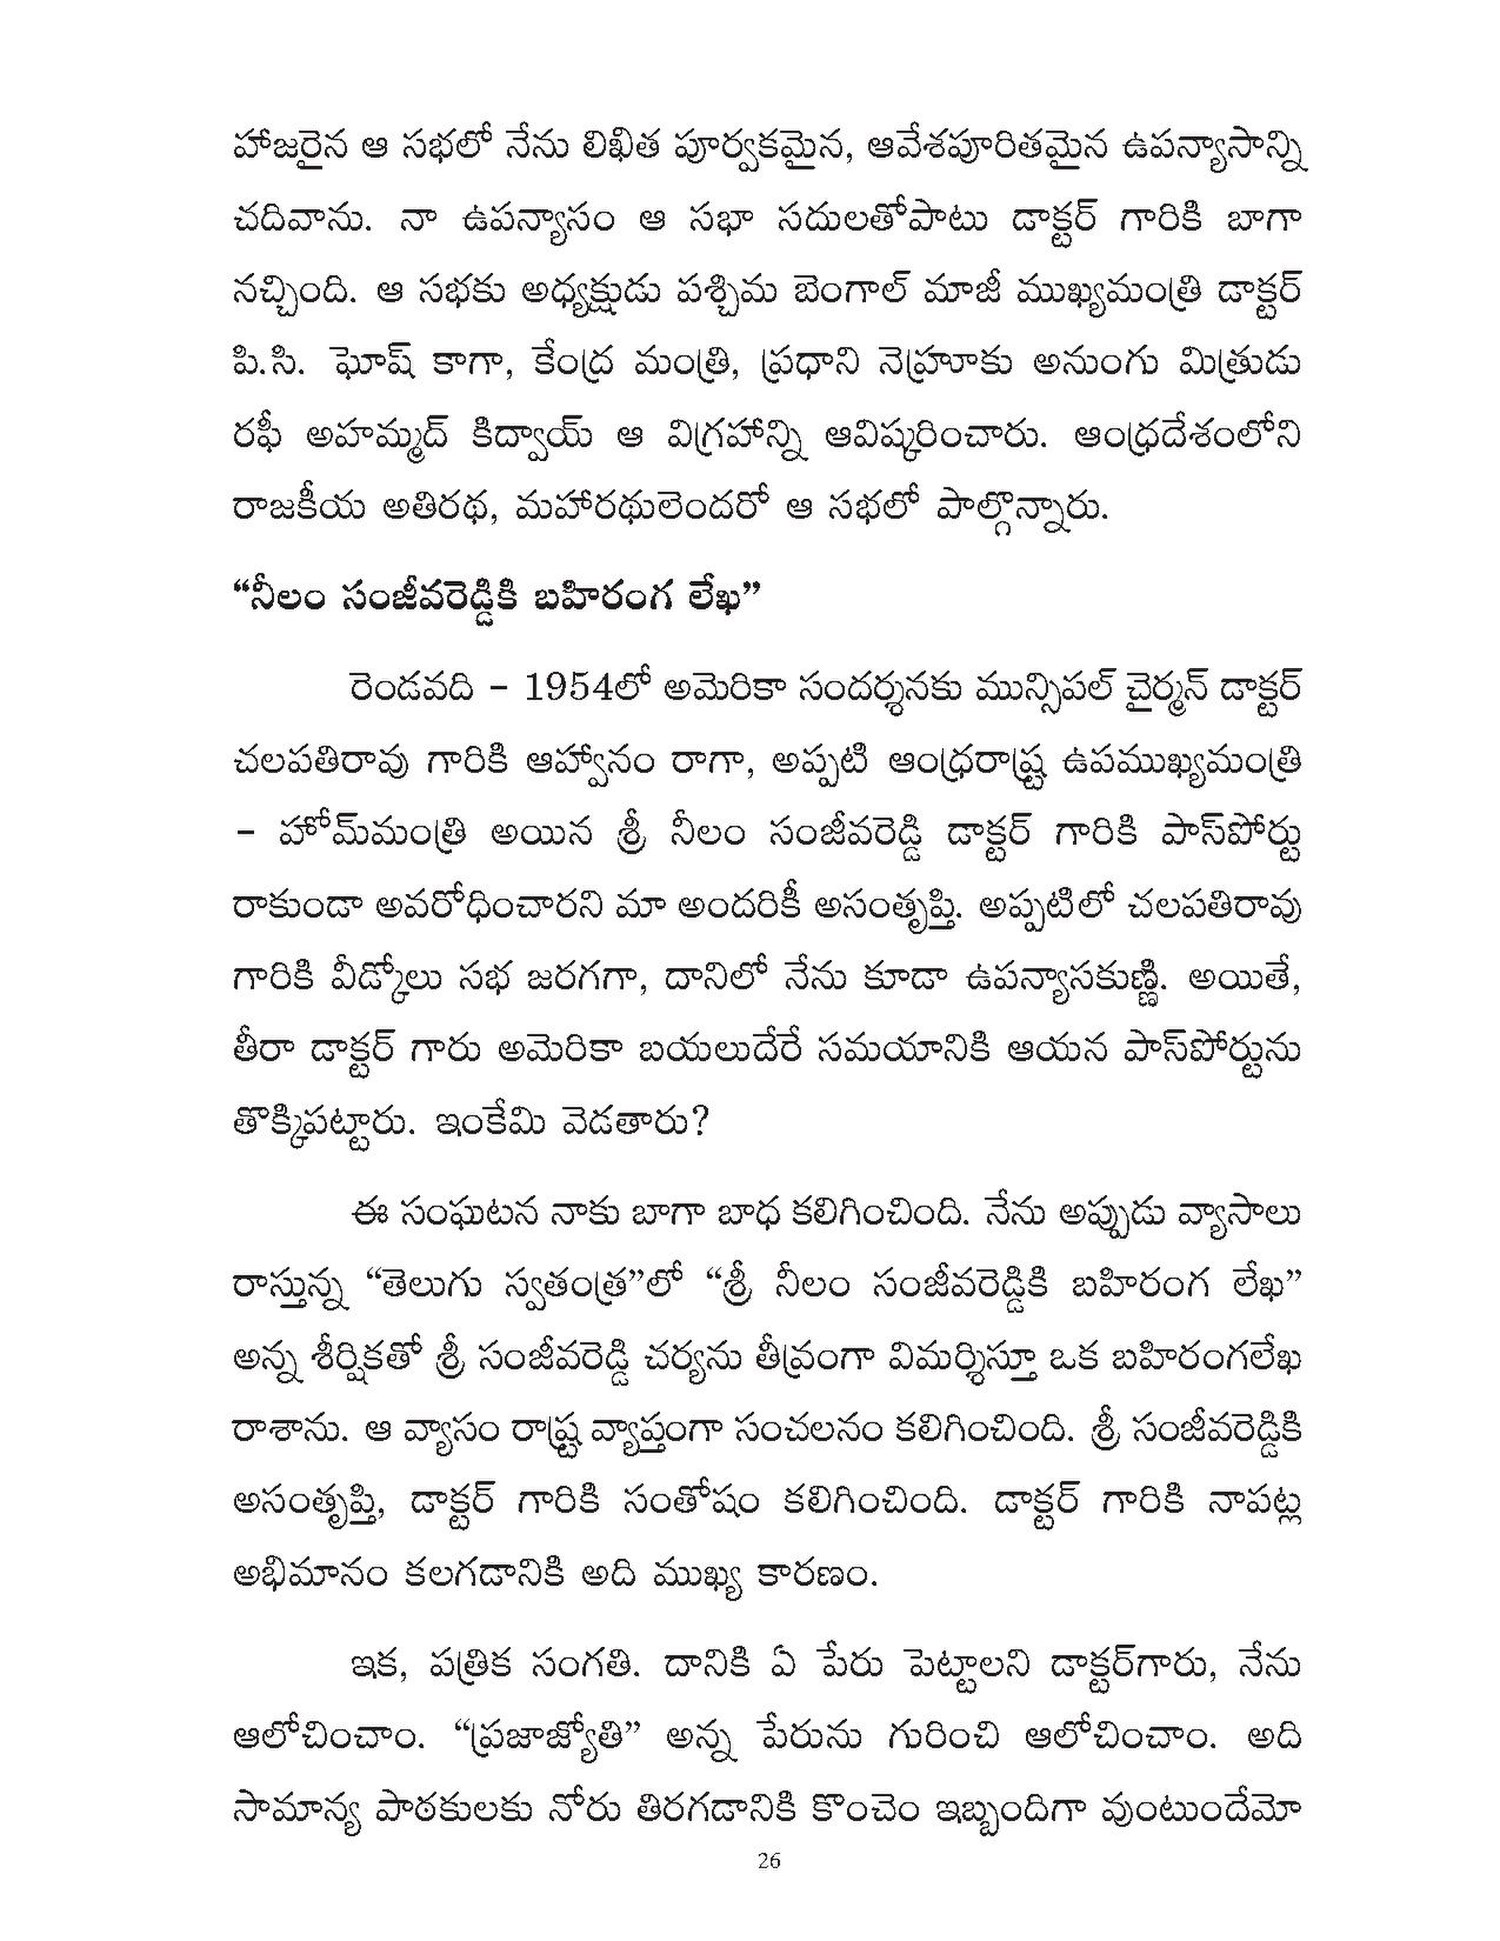హాజరైన ఆ సభలో నేను లిఖిత పూర్వకమైన, ఆవేశపూరితమైన ఉపన్యాసాన్ని
చదివాను. నా ఉపన్యాసం ఆ సభా సదులతోపాటు డాక్టర్ గారికి బాగా
నచ్చింది. ఆ సభకు అధ్యక్షుడు పశ్చిమ బెంగాల్‌ మాజీ ముఖ్యమంత్రి డాక్టర్
పి.సి. ఘోష్‌ కాగా, కేంద్ర మంత్రి, ప్రధాని నెహ్రూకు అనుంగు మిత్రుడు
రఫీ అహమ్మద్‌ కిద్వాయ్ ఆ విగ్రహాన్ని ఆవిష్కరించారు. ఆంధ్రదేశంలోని
రాజకీయ అతిరథ, మహారథులెందరో ఆ సభలో పాల్గొన్నారు.

"నీలం సంజీవరెడ్డికి బహిరంగ లేఖ"
రెండవది - 1954లో అమెరికా సందర్శనకు మున్సిపల్‌ చైర్మన్‌ డాక్టర్
చలపతిరావు గారికి ఆహ్వానం రాగా, అప్పటి ఆంధ్రరాష్ట్ర ఉపముఖ్యమంత్రి
- హోమ్‌మంత్రి అయిన శ్రీ నీలం సంజీవరెడ్డి డాక్టర్ గారికి పాస్‌పోర్టు
రాకుండ అవరోధించారని మా అందరికీ అసంతృప్తి. అప్పటిలో చలపతిరావు
గారికి వీడ్కోలు సభ జరగగా, దానిలో నేను కూడా ఉపన్యాసకుణ్ణి. అయితే,
తీరా డాక్టర్ గారు అమెరికా బయలుదేరే సమయానికి ఆయన పాస్‌పోర్టును
తొక్కిపట్టారు. ఇంకేమి వెడతారు?

ఈ సంఘటన నాకు బాగా బాధ కలిగించింది. నేను అప్పుడు వ్యాసాలు
రాస్తున్న "తెలుగు స్వతంత్ర"లో "శ్రీ నీలం సంజీవరెడ్డికి బహిరంగ లేఖ"
అన్న శీర్షికతో శ్రీ సంజీవరెడ్డి చర్యను తీవ్రంగా విమర్శిస్తూ ఒక బహిరంగలేఖ
రాశాను. ఆ వ్యాసం రాష్ట్ర వ్యాప్తంగా సంచలనం కలిగించింది. శ్రీ సంజీవరెడ్డికి
అసంతృప్తి, డాక్టర్ గారికి సంతోషం కలిగించింది. డాక్టర్ గారికి నాపట్ల
అభిమానం కలగడానికి అది ముఖ్య కారణం.

ఇక, పత్రిక సంగతి. దానికి ఏ పేరు పెట్టాలని డాక్టర్‌గారు, నేను
ఆలోచించాం. "ప్రజాజ్యోతి" అన్న పేరును గురించి ఆలోచించాం. అది
సామాన్య పాఠకులకు నోరు తిరగడానికి కొంచెం ఇబ్బందిగా వుంటుందేమో